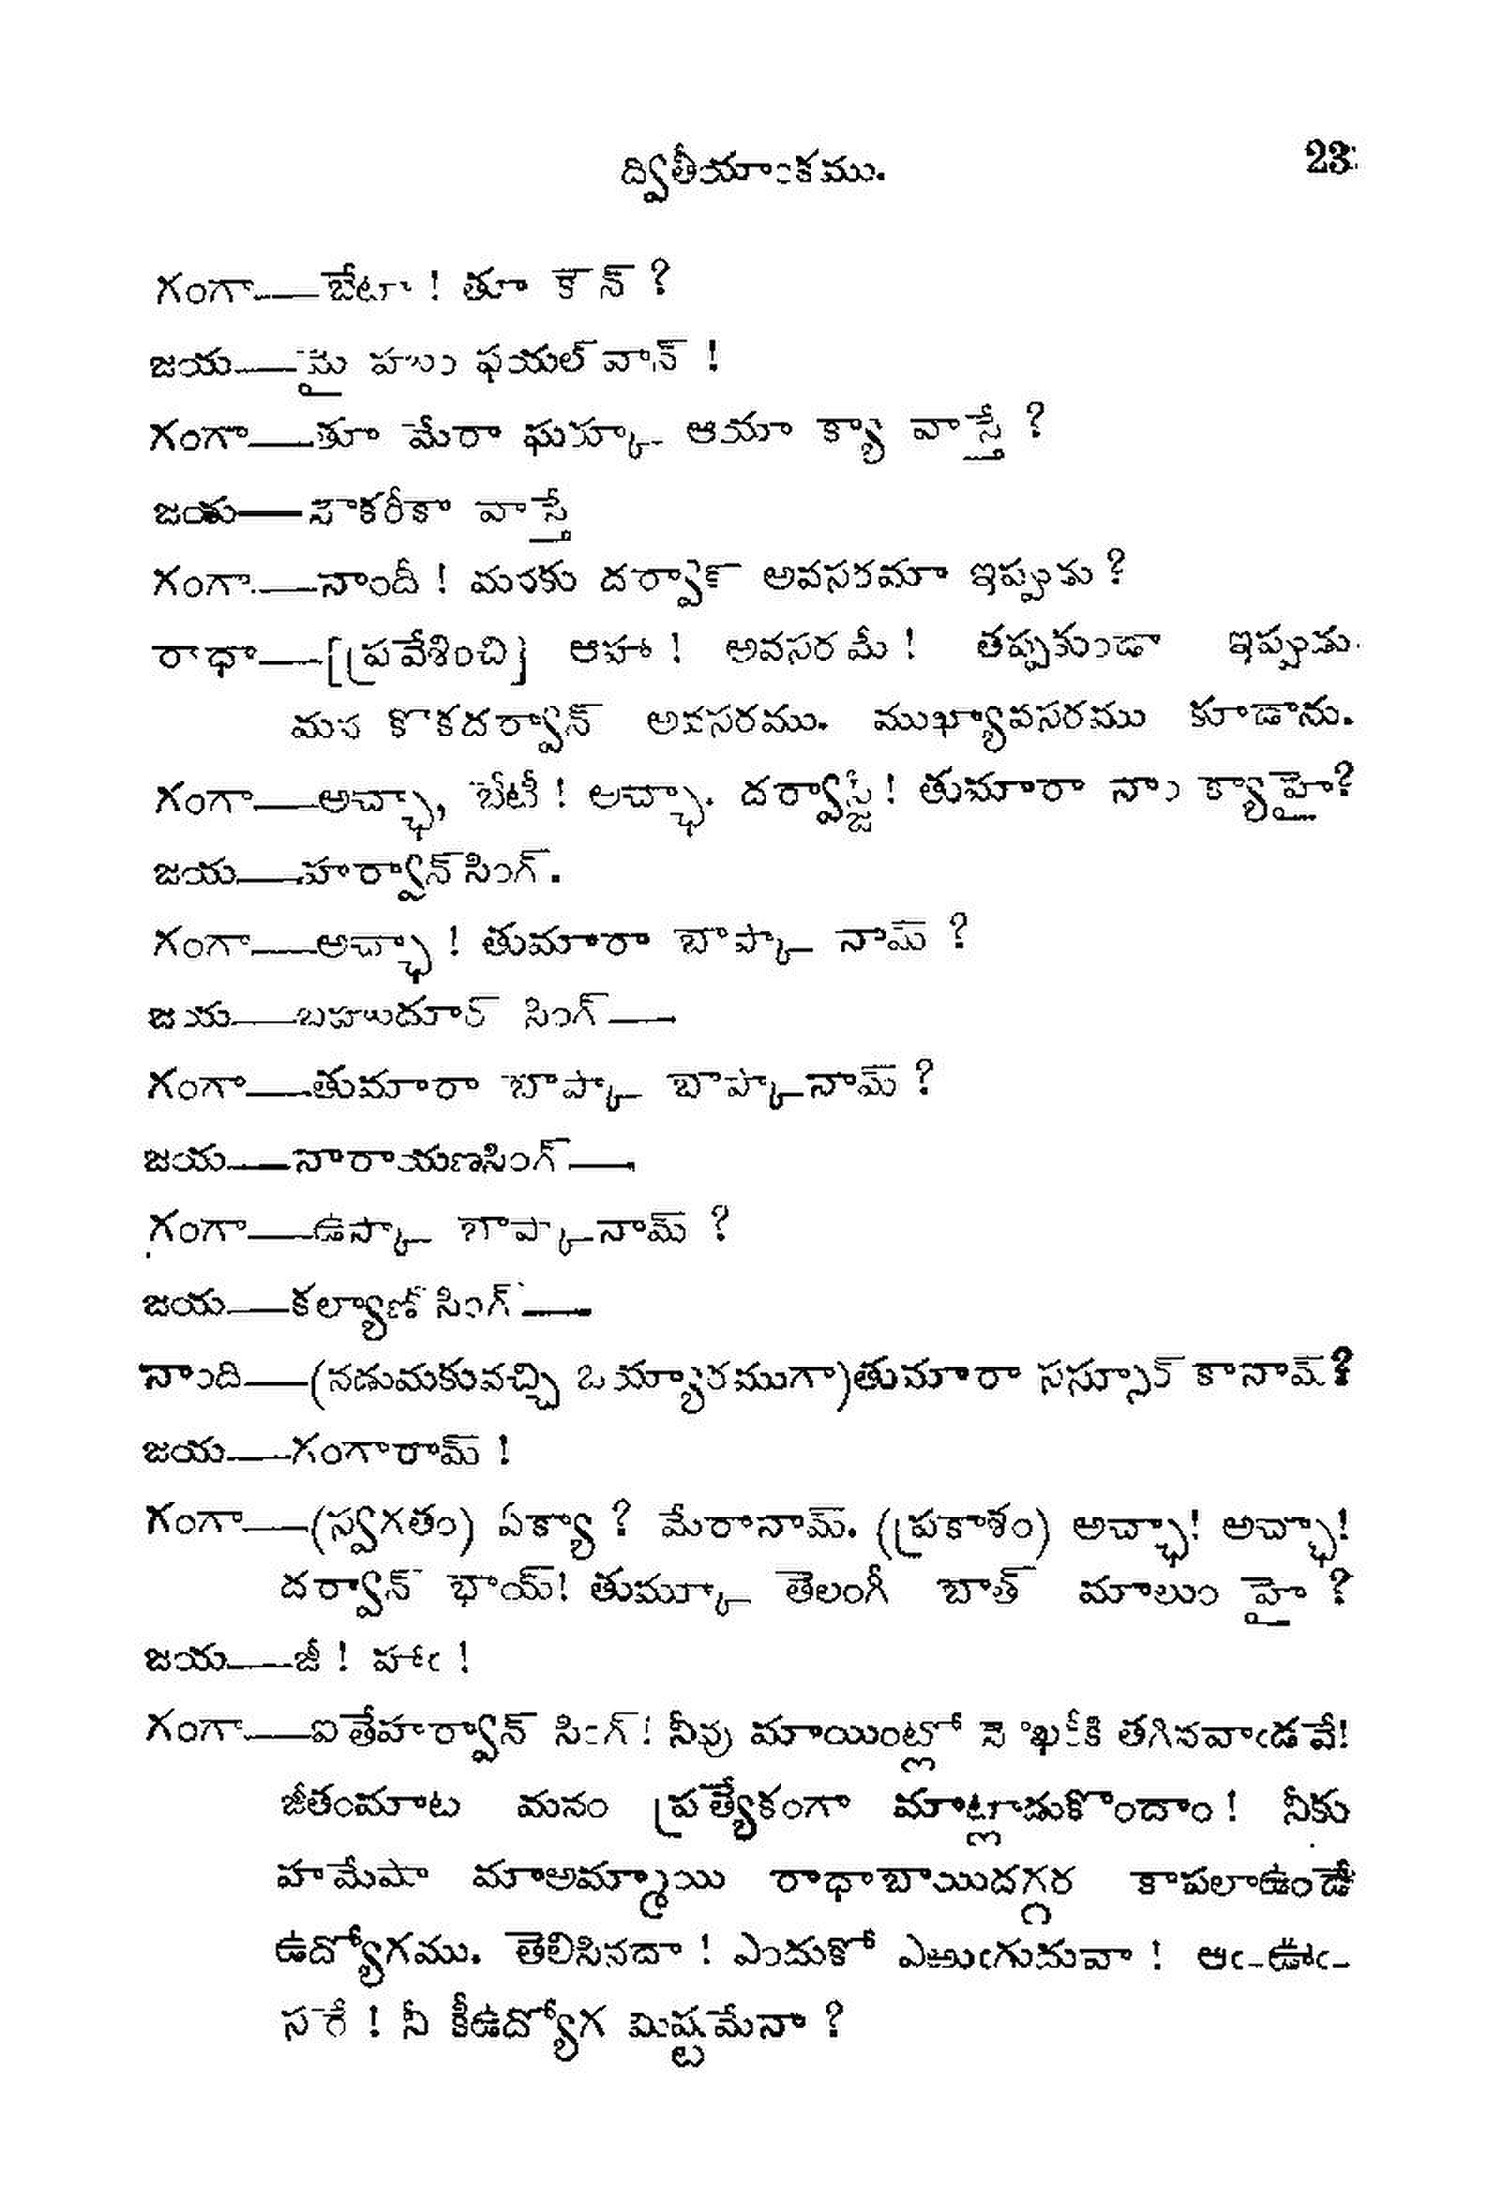గంగా - బేటా ! తూ కౌన్ ?

జయ - మై హుం ఫయల్ వాన్ !

గంగా - తూ మేరా ఘర్కూ ఆయా క్యా వాస్తే ?

జయ — నౌకరీకా వాస్తే

గంగా - నాందీ ! మనకు దర్వాన్ అవసరమా ఇప్పుడు ?

రాధా -- (ప్రవేశించి) ఆహా ! అవసరమే ! తప్పకుండా ఇప్పుడు మన కొకదర్వాన్ అవసరము. ముఖ్యావసరము కూడాను.

గంగా - అచ్ఛా, 'బేటీ ! అచ్ఛా. దర్వాన్జీ! తుమారా నాం క్యా హై?

జయ - హర్వాన్ సింగ్గం

గా -- అచ్ఛా ! తుమారా బాప్కా నామ్ ?

జయ - బహుదూర్ సింగ్--

గంగా - తుమారా బాప్కా బాహ్కనామ్ ?

జయ - నారాయణసింగ్

గంగా - ఉస్కా బాప్కానామ్ ?

జయ - కల్యాణ్ సింగ్ --

నాంది - (నడుమకువచ్చి ఒయ్యారముగా) తుమారా సస్సూర్ కానాష్ ?

జయ - గంగారామ్!

గంగా -- (స్వగతం) ఏక్యా ? మేరానామ్. (ప్రకాశం) అచ్ఛా అచ్ఛా! దర్వాన్ భాయ్! తుమ్కూ తెలంగీ బాత్ మాలుం హై ?

జయ - జీ ! హాఁ!

గంగా - ఐతేహర్వాన్ సింగ్ ! నీవు మాయింట్లో నౌఖరీకి తగినవాఁడవే! జీతంమాట మనం ప్రత్యేకంగా మాట్లాడుకొందాం! నీకు హమేషా మాఅమ్మాయి రాధాబాయిదగ్గర కాపలాఉండే ఉద్యోగము. తెలిసినదా ! ఎందుకో ఎఱుఁగుదువా ! ఆఁ ఊఁ- సరే ! నీ కీఉద్యోగ మిష్టమేనా